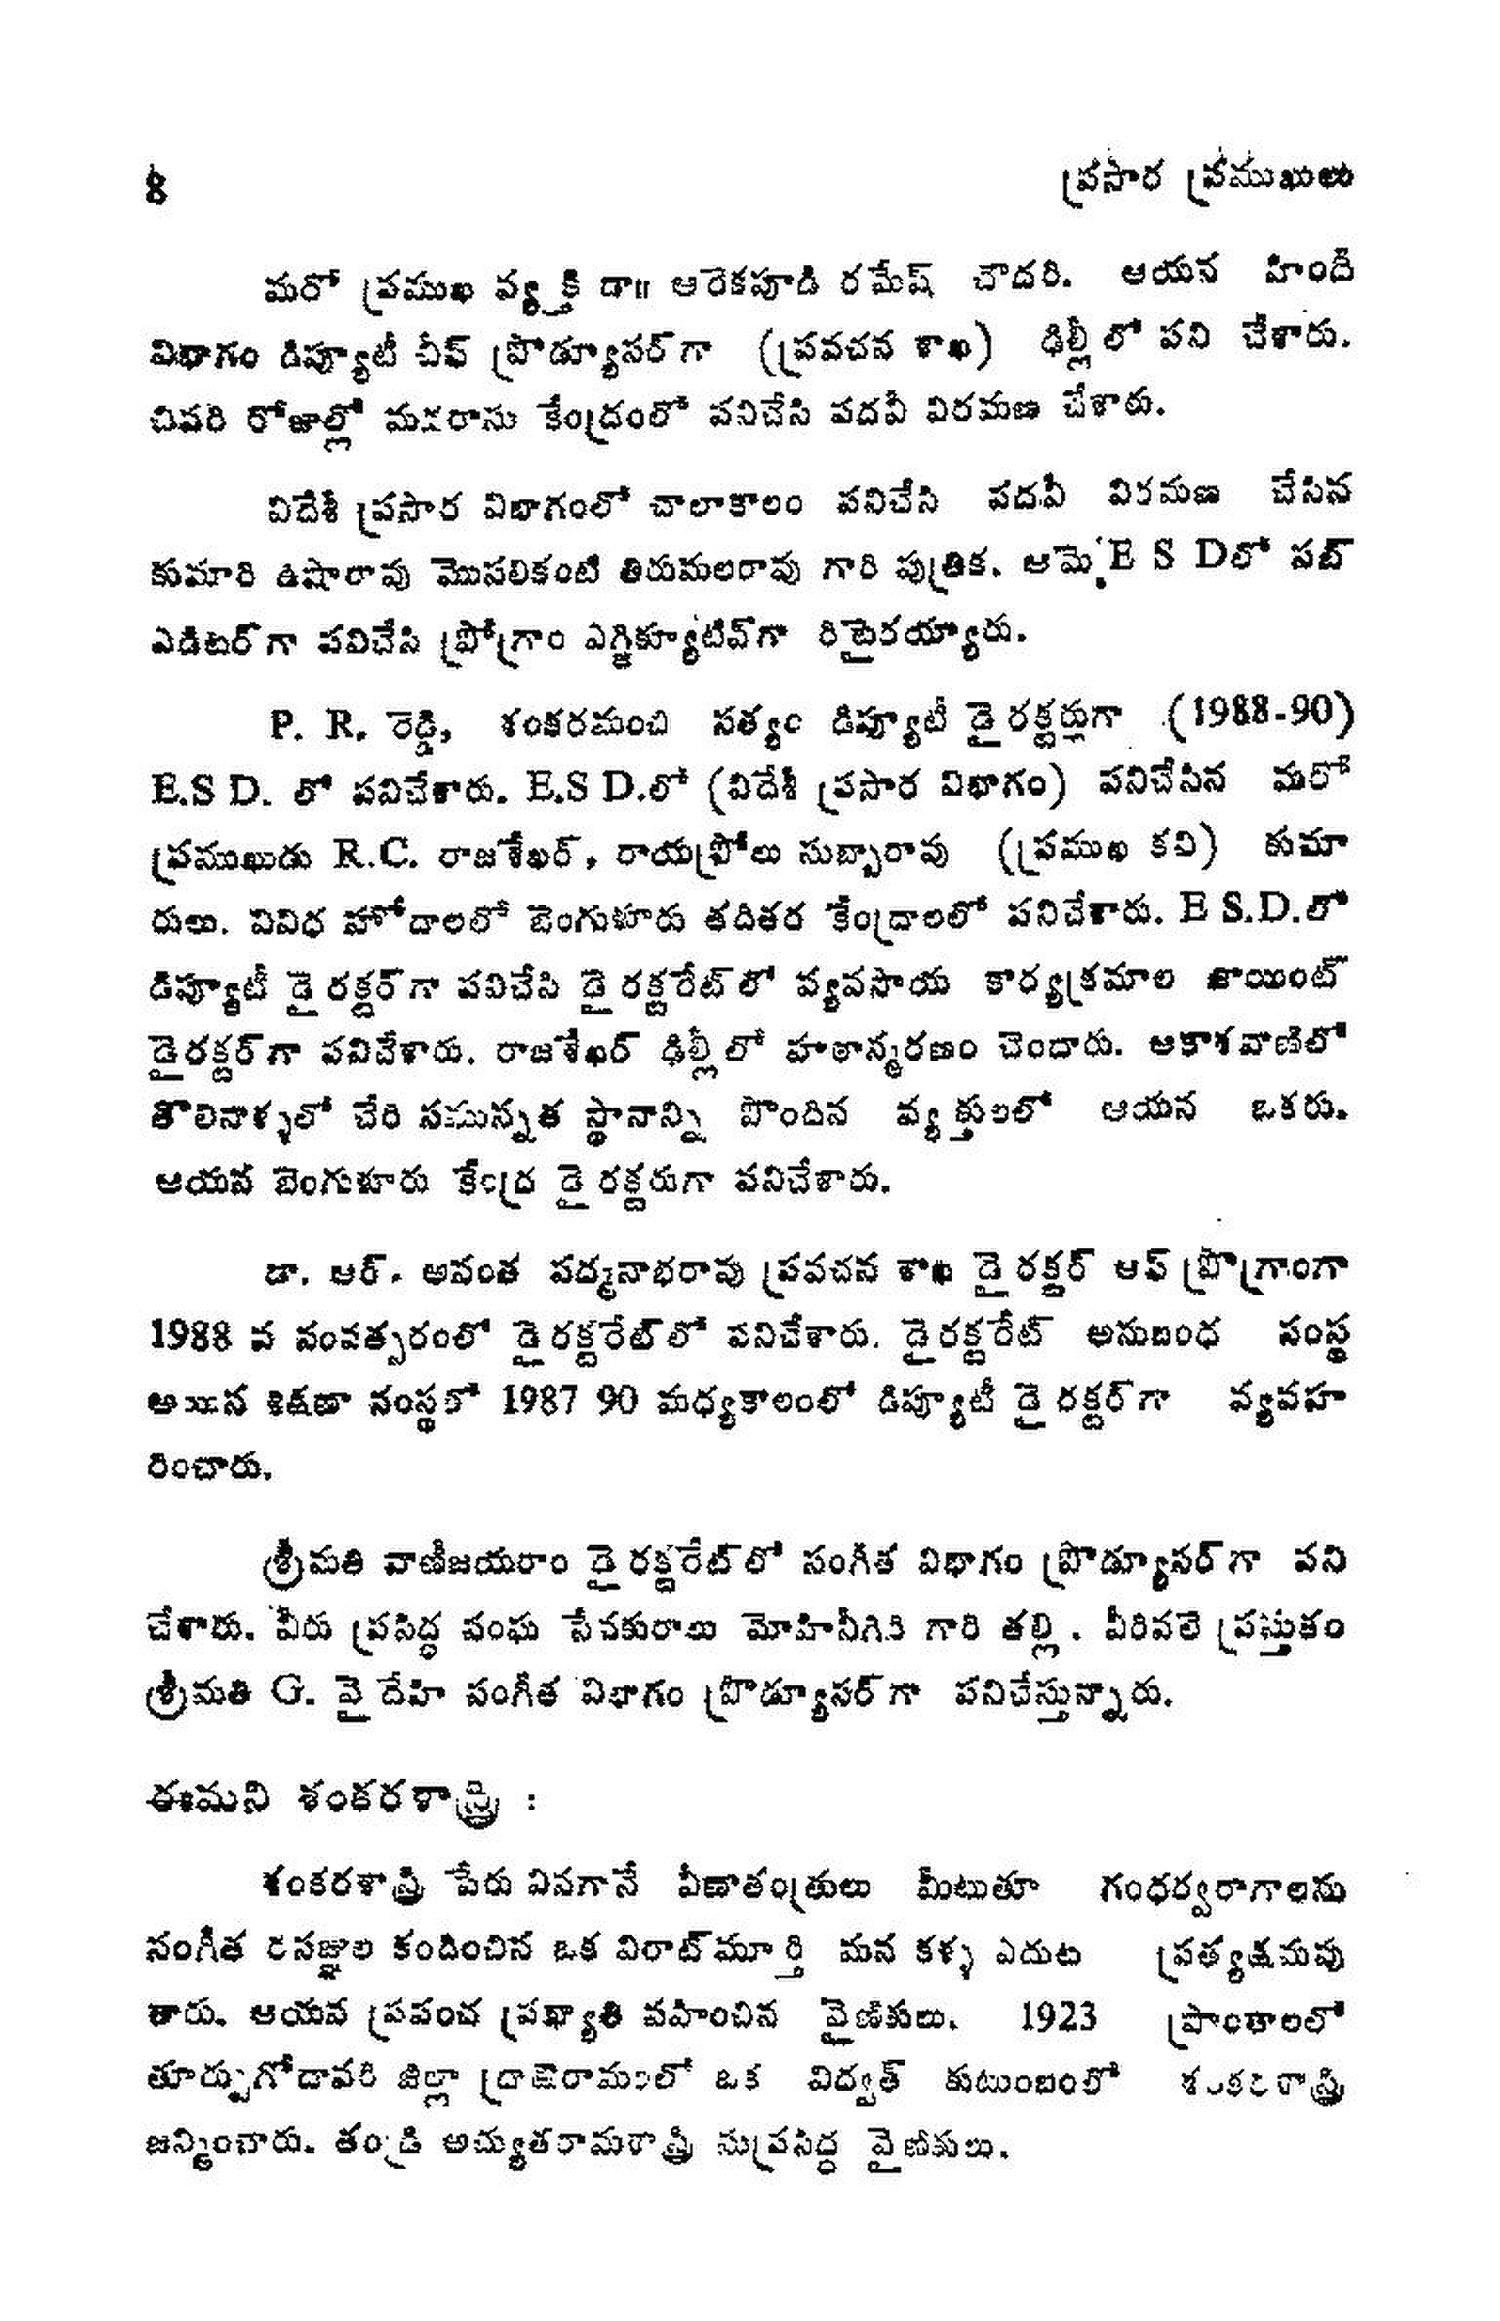మరో ప్రముఖ వ్యక్తి డా॥ ఆరెకపూడి రమేష్ చౌదరి. ఆయన హిందీ విభాగం డిప్యూటీ ఛీఫ్ ప్రొడ్యూసర్ గా (ప్రవచన శాఖ) ఢిల్లీలో పని చేశారు. చివరి రోజుల్లో మదరాసు కేంద్రంలో పనిచేసి పదవీ విరమణ చేశారు.

విదేశీ ప్రసార విభాగంలో చాలాకాలం పనిచేసి పదవీ విరమణ చేసిన కుమారి ఉషారావు మొసలికంటి తిరుమలరావు గారి పుత్రిక. ఆమె E. S. D. లో సబ్ ఎడిటర్ గా పనిచేసి ప్రోగ్రాం ఎగ్జిక్యూటివ్ గా రిటైరయ్యారు.

P. R. రెడ్డి, శంకరమంచి సత్యం డిప్యూటీ డైరక్టర్లుగా (1988-90) E. S. D. లో పనిచేశారు. E. S. D.లో (విదేశీ ప్రసార విభాగం) పనిచేసిన మరో ప్రముఖుడు R. C. రాజశేఖర్, రాయప్రోలు సుబ్బారావు (ప్రముఖ కవి) కుమారులు. వివిధ హోదాలలో బెంగుళూరు తదితర కేంద్రాలలో పనిచేశారు. E. S. D. లో డిప్యూటీ డైరక్టర్ గా పనిచేసి డైరక్టరేట్‌లో వ్యవసాయ కార్యక్రమాల జాయింట్ డైరక్టర్ గా పనిచేశారు. రాజశేఖర్ ఢిల్లీలో హఠాన్మరణం చెందారు. ఆకాశవాణిలో తొలినాళ్ళలో చేరి సమున్నత స్థానాన్ని పొందిన వ్యక్తులలో ఆయన ఒకరు. ఆయన బెంగుళూరు కేంద్ర డైరక్టరుగా పనిచేశారు.

డా. ఆర్. అనంత పద్మనాభరావు ప్రవచన శాఖ డైరక్టర్ ఆఫ్ ప్రోగ్రాంగా 1988 వ సంవత్సరంలో డైరక్టరేట్‌లో పనిచేశారు. డైరక్టరేట్ అనుబంధ సంస్థ అయిన శిక్షణా సంస్థలో 1987-90 మధ్యకాలంలో డిప్యూటీ డైరక్టర్‌గా వ్యవహరించారు.

శ్రీమతి వాణీజయరాం డైరక్టరేట్‌లో సంగీత విభాగం ప్రొడ్యూసర్‌గా పనిచేశారు. వీరు ప్రసిద్ధ సంఘ సేవకురాలు మోహినీగిరి గారి తల్లి. వీరివలె ప్రస్తుతం శ్రీమతి G. వైదేహి సంగీత విభాగం ప్రొడ్యూసర్ గా పనిచేస్తున్నారు.

శంకరశాస్త్రి పేరు వినగానే వీణాతంత్రులు మీటుతూ గంధర్వరాగాలను సంగీత రసజ్ఞుల కందించిన ఒక విరాట్ మూర్తి మన కళ్ళ ఎదుట ప్రత్యక్షమవుతారు. ఆయన ప్రపంచ ప్రఖ్యాతి వహించిన వైణికులు. 1923 ప్రాంతాలలో తూర్పు గోదావరి జిల్లా ద్రాక్షారామంలో ఒక విద్వత్ కుటుంబంలో శంకరశాస్త్రి జన్మించారు. తండ్రి అచ్యుతరామశాస్త్రి సుప్రసిద్ధ వైణికులు.